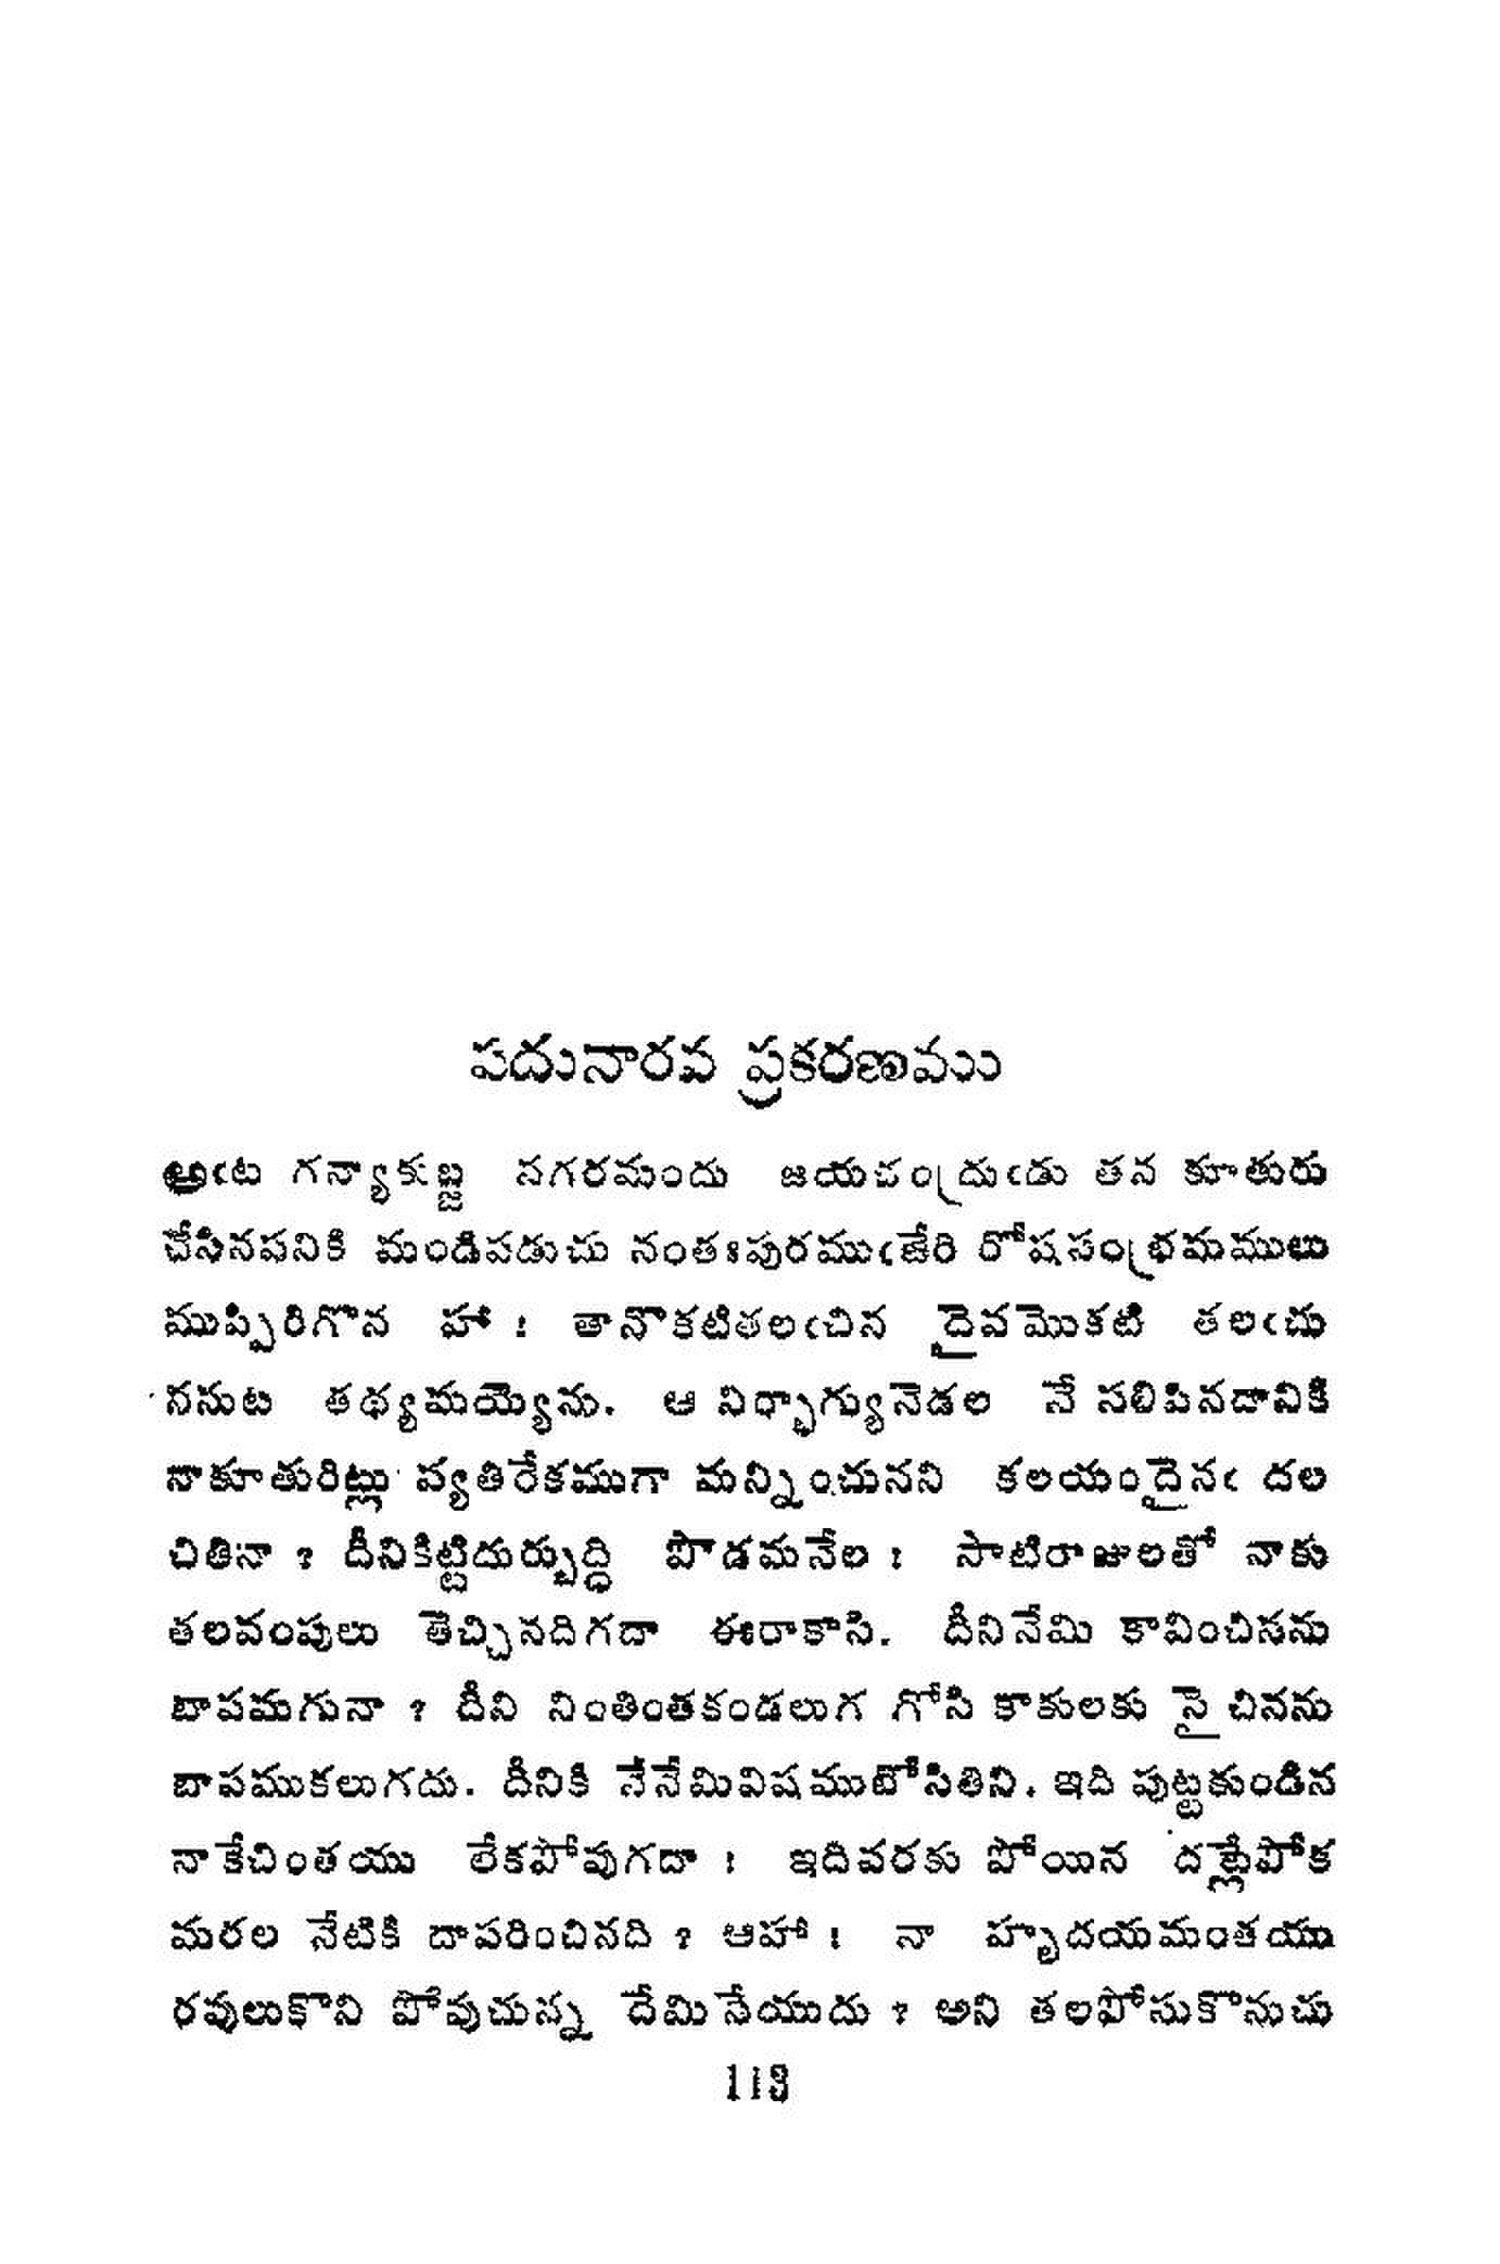పదునారవ ప్రకరణము

ట గన్యాకుబ్జ నగరమందు జయచంద్రుఁడు తన కూతురు చేసినపనికి మండిపడుచు నంతఃపురముఁజేరి రోషసంభ్రమములు ముప్పిరిగొన హా! తానొకటితలఁచిన దైవమొకటి తలఁచుననుట తథ్యమయ్యెను. ఆ నిర్భాగ్యునెడల నే సలిపినదానికి నాకూతురిట్లు వ్యతిరేకముగా మన్నించునని కలయందైనఁ దలచితినా? దీనికిట్టిదుర్బుద్ది పొడమనేల! సాటిరాజులతో నాకు తలవంపులు తెచ్చినదిగదా ఈరాకాసి. దీనినేమి కావించినను బాపమగునా? దీని నింతింతకండలుగ గోసి కాకులకు సైచినను బాపముకలుగదు. దీనికి నేనేమివిషముబోసితిని. ఇది పుట్టకుండిన నాకేచింతయు లేకపోవుగదా! ఇదివరకు పోయిన దట్లేపోక మరల నేటికి దాపరించినది? ఆహా! నా హృదయమంతయు రవులుకొని పోవుచున్న దేమిసేయుదు? అని తలపోసుకొనుచు